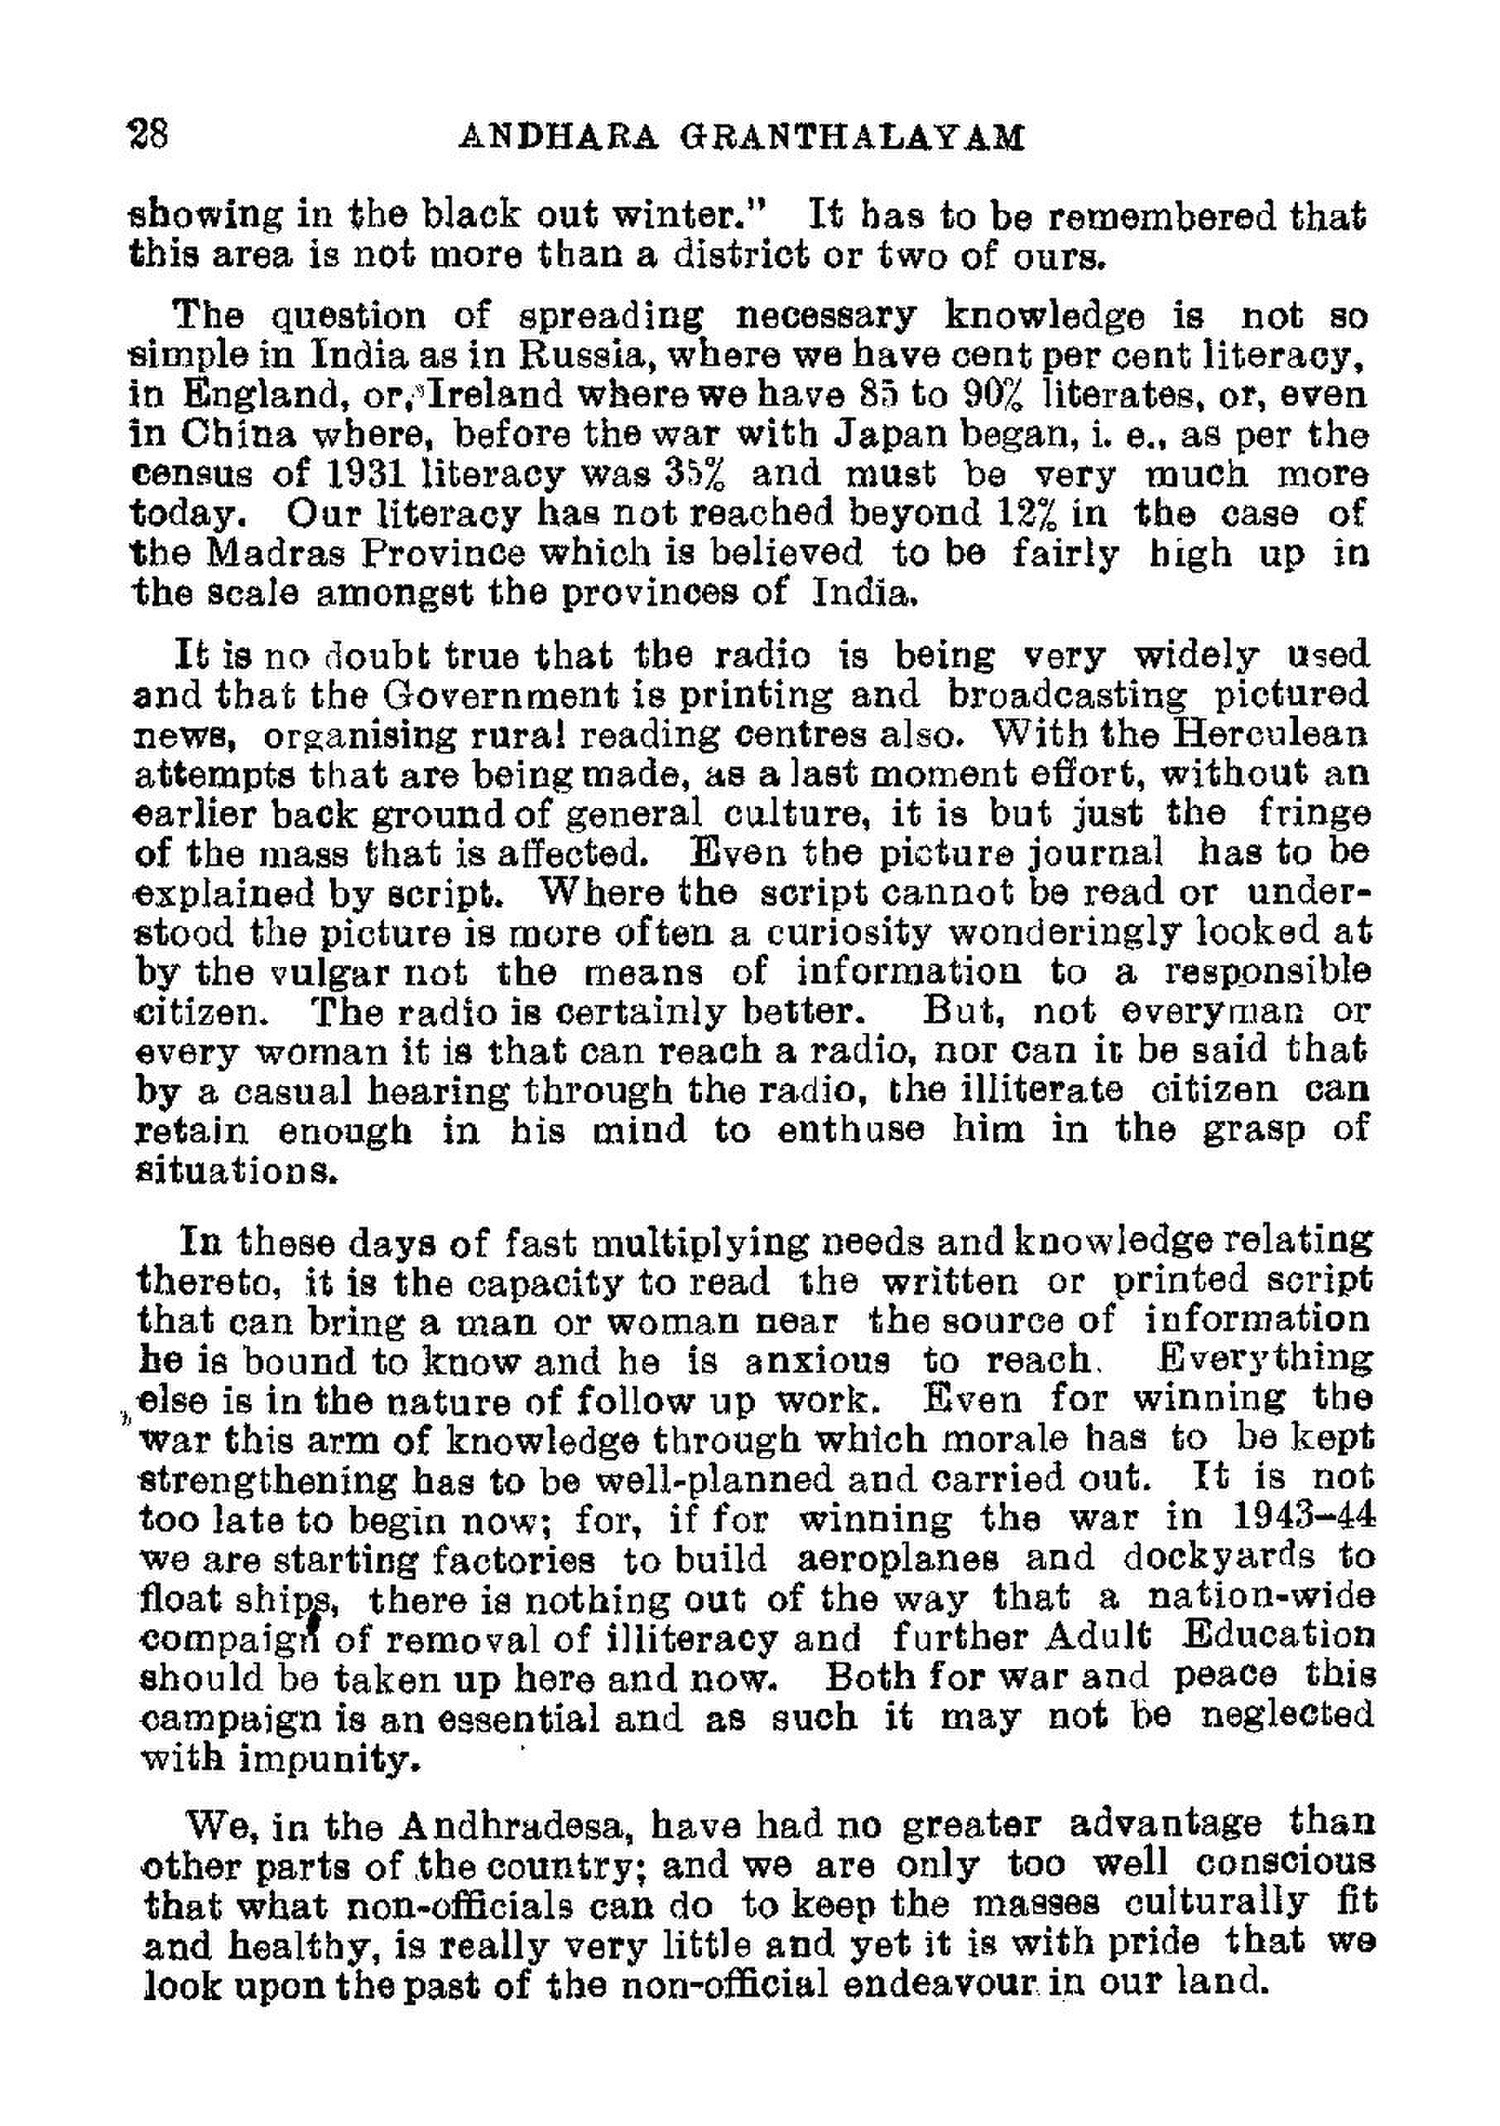showing in the black out winter." It has to be remembered that this area is not more than a district or two 
of ours.

The question of spreading necessary knowledge is not so simple in India as in Russia, where we have cent percent literacy, in England, or, Ireland where we have 85 to 90% literates, or, even in China where, before the war with Japan began, i. e., as per the census of 1931 literacy was 35% and must be very much more today. Our literacy has not reached beyond 12% in the case of the Madras Province which is believed to be fairly high up in the scale amongst the provinces of India.

It is no doubt true that the radio is being very widely used and that the Government is printing and broadcasting pictured news, organizing rural reading centers also. With the Herculean attempts that are being made, as a last moment effort, without an earlier back ground of general culture, it is but just the fringe of the mass that is affected. Even the picture journal has to be explained by script. Where the script cannot be read or understood 
the picture is more often a curiosity wonderingly looked at by the vulgar not the means of information to a responsible citizen. The radio is certainly better. But, not everyman or every woman it is that can reach a radio, nor can it be said that by a casual hearing through the radio, the illiterate citizen can retain enough in his 
mind to enthuse him in the grasp of situations.

In these days of fast multiplying needs and knowledge relating thereto, it is the capacity to read the written 
or printed script that can bring a man or woman near the source of information he is bound to know and he is anxious to reach. Everything else is in the nature of follow up work. Even for winning the war this arm of knowledge through which morale has to be kept strengthening has to be well-planned and carried out. It is not
too late to begin now; for, if for winning the war in 1943-44 we are starting factories to build aero-planes 
and dockyards to float ships, there is nothing out of the way that a nation-wide campaign of removal of 
illiteracy and further Adult Education should be taken up here and now. Both for war and peace this campaign 
is an essential and as such it may not be neglected with impunity.

We, in the Andhradesa, have had no greater advantage than other parts of the country; and we are only too well conscious that what non-officials can do to keep the masses culturally fit and healthy, is really very little 
and yet it is with pride that we look upon the past of the non-official endeavor in our land.